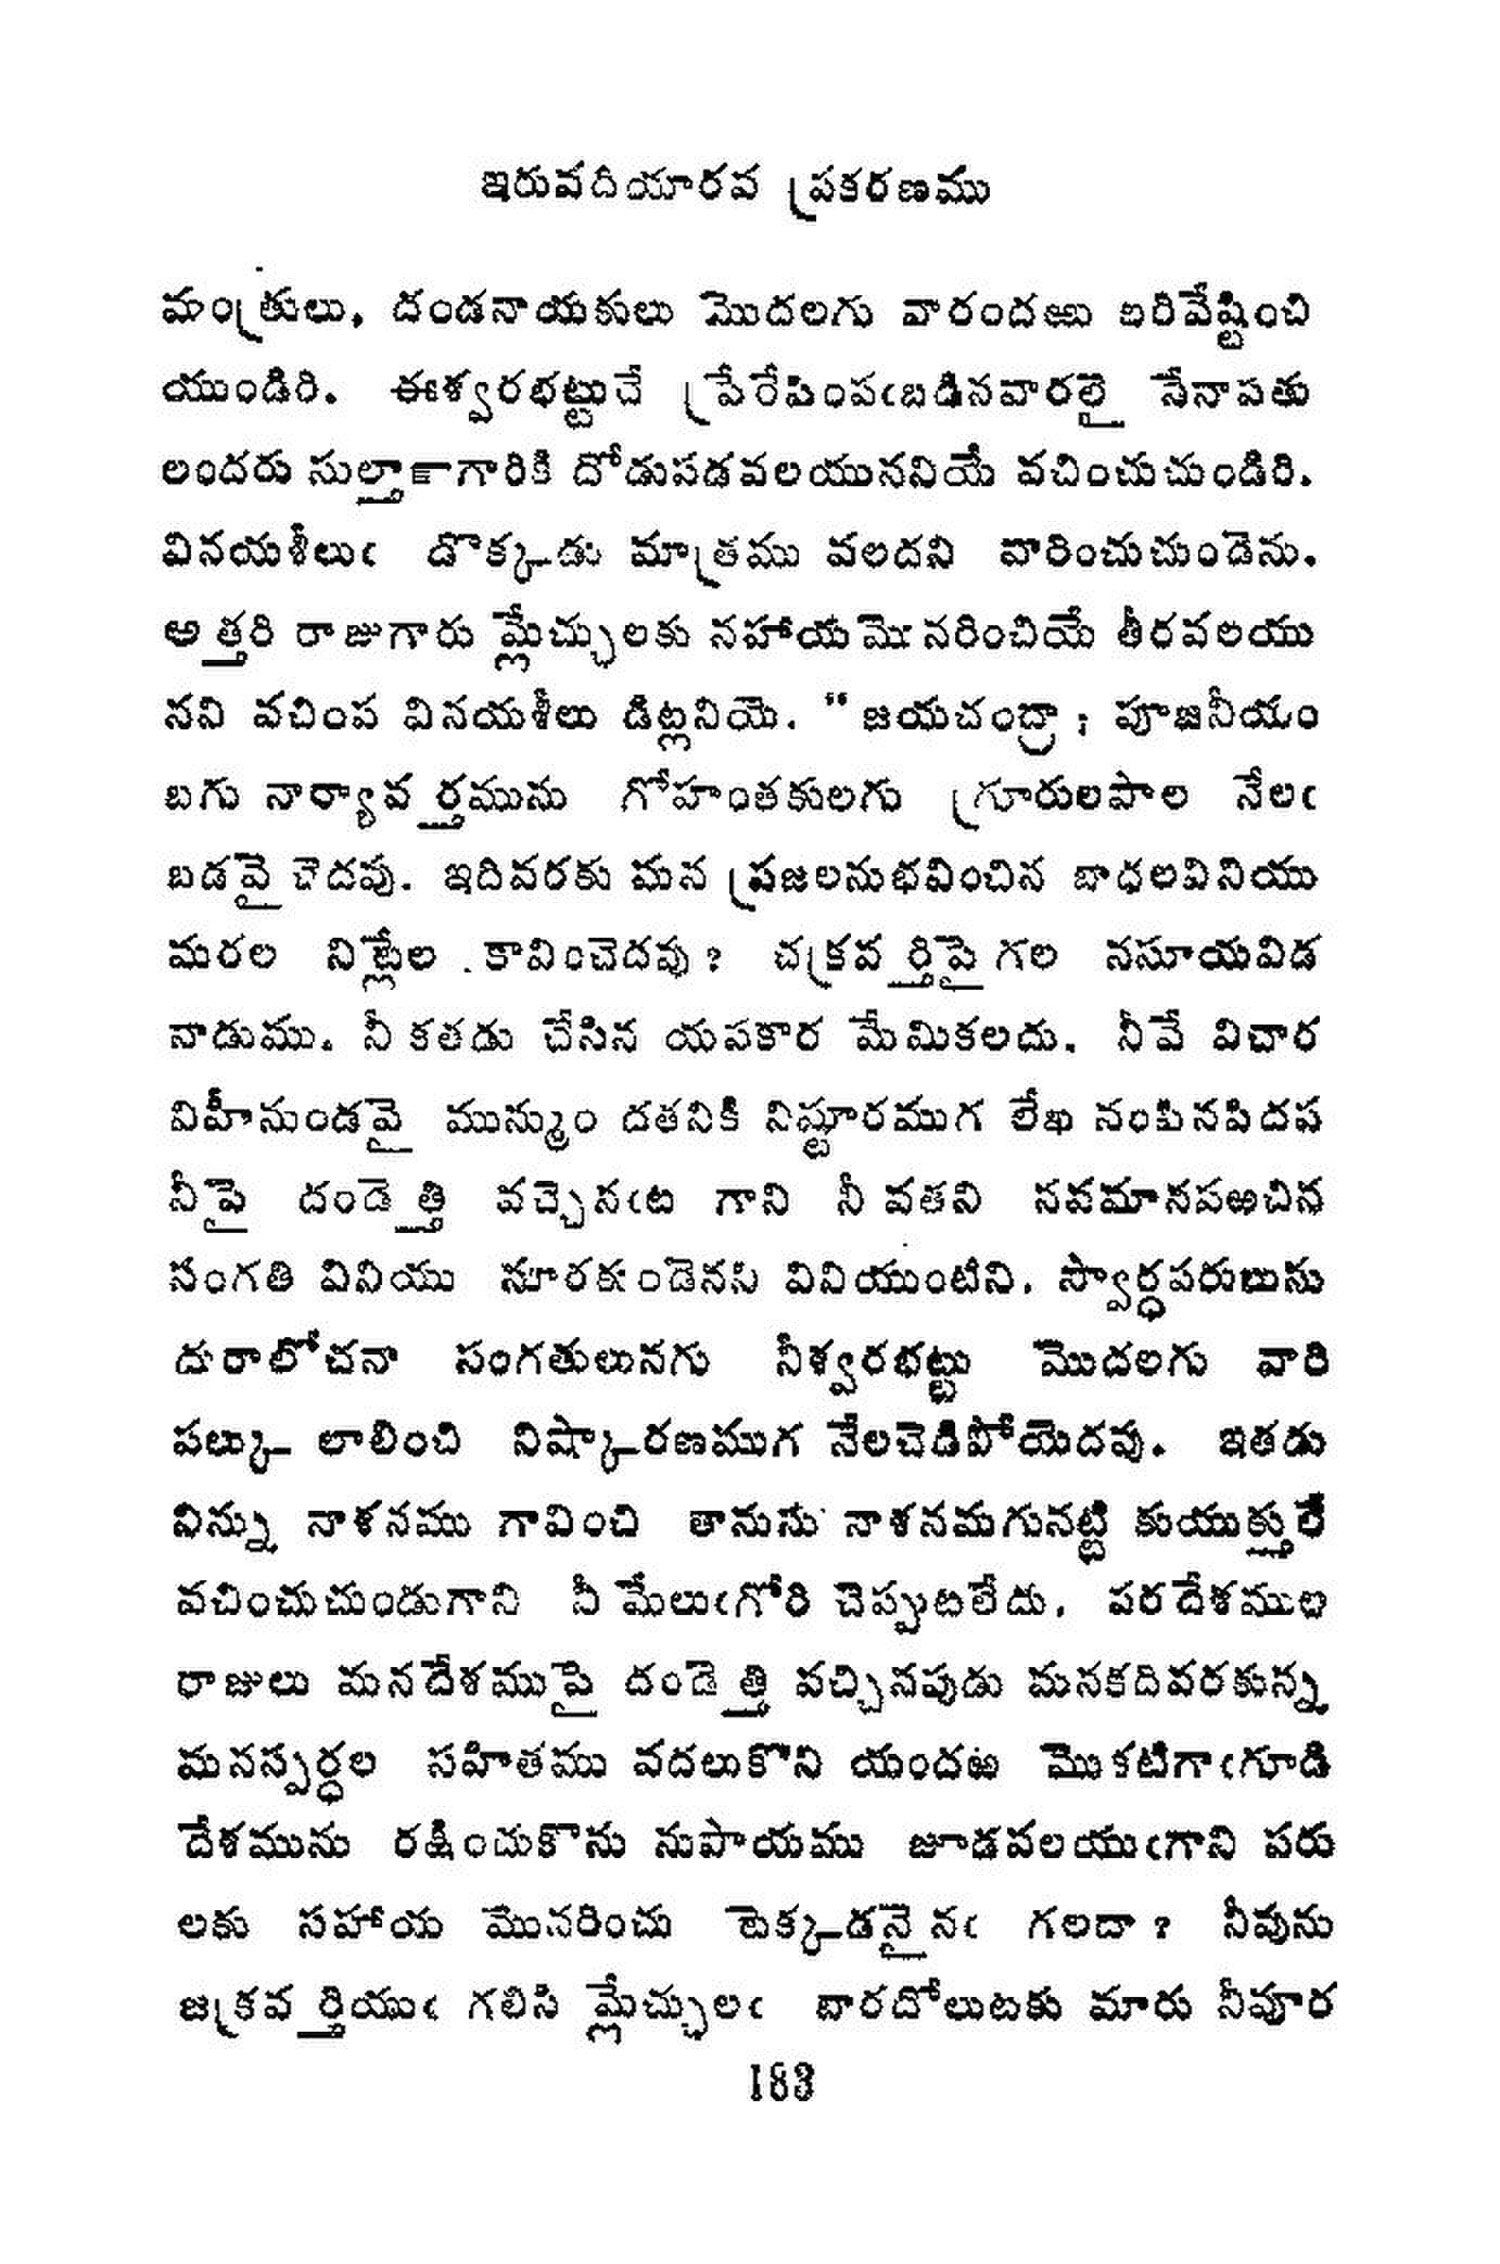మంత్రులు, దండనాయకులు మొదలగు వారందఱు బరివేష్టించి యుండిరి. ఈశ్వరభట్టుచే ప్రేరేపింపఁబడినవారలై నేనాపతులందరు సుల్తా౯గారికి దోడుపడవలయుననియే వచించుచుండిరి. వినయశీలుఁ డొక్కడు మాత్రము వలదని వారించుచుండెను. అత్తరి రాజుగారు మ్లేచ్చులకు సహాయమొనరించియే తీరవలయునని వచింప వినయశీలు డిట్లనియె. "జయచంద్రా! పూజనీయంబగు నార్యావర్తమును గోహంతకులగు గ్రూరులపాల నేలఁ బడవైచెదవు. ఇదివరకు మన ప్రజలనుభవించిన బాధలవినియు మరల నిట్లేల కావించెదవు? చక్రవర్తిపైగల నసూయవిడ నాడుము. నీ కతడు చేసిన యపకార మేమికలదు. నీవే విచార విహీనుండవై మున్ముం దతనికి నిష్టూరముగ లేఖ నంపినపిదప నీపై దండెత్తి వచ్చెనఁట గాని నీ వతని నవమానపఱచిన సంగతి వినియు నూరకుండెనని వివియుంటిని. స్వార్ధపరులును దురాలోచనా సంగతులునగు నీశ్వరభట్టు మొదలగు వారి పల్కు. లాలించి నిష్కారణముగ నేలచెడిపోయెదవు. ఇతడు నిన్ను నాశనము గావించి తానును నాశనమగునట్టి కుయుక్తులే వచించుచుండుగాని నీ మేలుఁగోరి చెప్పుటలేదు . పరదేశములు రాజులు మనదేశముపై దండెత్తి వచ్చినపుడు మనకదివరకున్న మనస్పర్దల సహితము వదలుకొని యందఱ మొకటిగాఁగూడి దేశమును రక్షించుకొను నుపాయము జూడవలయుఁగాని పరులకు సహాయ మొనరించు టెక్కడనైనఁ గలదా? నీవును జక్రవర్తియుఁ గలిసి మ్లేచ్చులఁ బారదోలుటకు మారు నీవూర